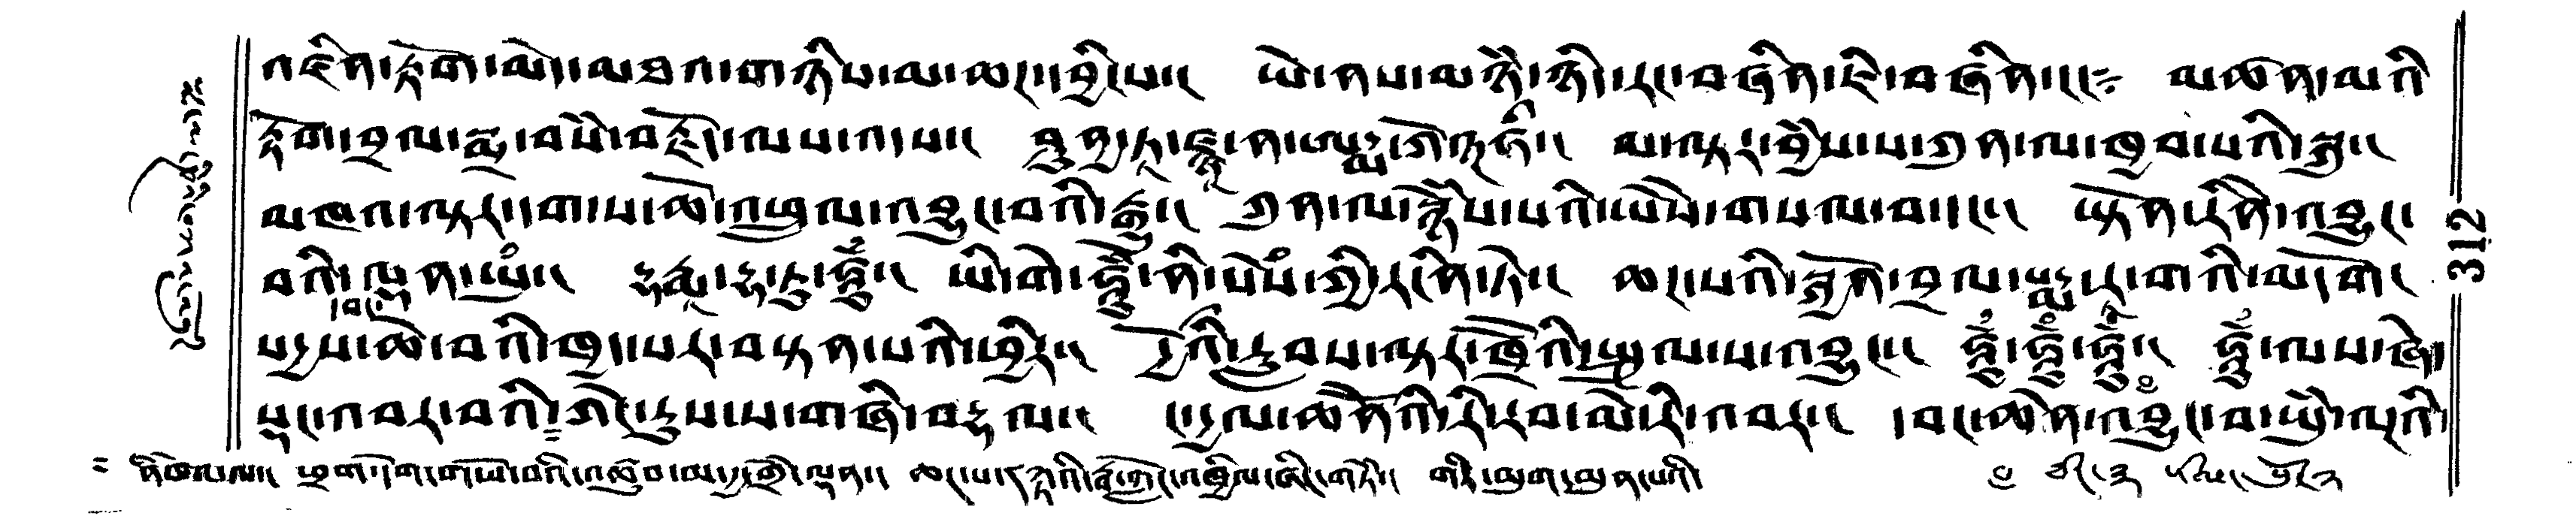འཛིན་རྟོག་མེད་མཐའ་གཉིས་མ་ཆགས་དབྱིངས། །ཡེ་ནས་མཉམ་ཉིད་རང་བཞིན་ཇི་བཞིན་ངང་། །མཚན་མའི་
རྟོག་བྲལ་སྨྲ་བསམ་བརྗོད་ལས་འདས། ཤུནྱ་ཏཱ་ཛྙཱ་ཨདྨ་ཀོ་྅་ཧཾ། མ་ལྟར་བྱམས་པ་ཀུན་ལ་ཁྱབ་པའི་སྐུ། །
མཁའ་ལྟར་དག་པ་ཆོ་འཕྲུལ་འབྱུང་བའི་རྒྱུ། །ཀུན་ལ་སྙོམས་པའི་ཡེ་ཤེས་གསལ་བ་དང་། །ཡོན་ཏན་རིན་ཆེན་འབྱུང་
བའི་དབང་ལྡན་ཡུམ། དྷརྨཱ་དྷ་ཏུ་ཧཱུྃ། ཡི་གེ་ཧཱུྃ་ནི་སེམས་ཀྱི་རང་བཞིན་ཏེ། །ཆགས་པའི་སྐྱོན་བྲལ་པདྨ་རཱ་གའི་མདོག །
སངས་རྒྱས་ཆེ་བའི་ཁྱད་པར་བསྟན་པའི་ཕྱིར། །རྒྱ་མཚོའི་རླབས་ལྟར་ཁྲོ་བོའི་སྤྲུལ་པ་འབྱུང་། ཧཱུྃ་ཧཱུྃ་ཧཱུྃ། ཧཱུྃ་ལས་ཞེ་
སྡང་འབར་བའི་ནམ་མཁའ་ལ། །ཕྲག་དོག་གཡོ་བའི་འཚུབ་མ་རྒྱ་གྲམ་ལྡན། །ཆགས་པ་རཀྟའི་རྦ་ཀློང་འཁྱིལ་ཞིང་གཏམ། །གཏི་མུག་མུན་པའི་ཀེང་རུས་ས་གཞི་བརྡལ། །ང་རྒྱལ་ཆེན་པོའི་རི་རབ་མེ་རི་འབར། །དབང་ཆེན་འབྱུང་བ་ཡུམ་ལྔའི་